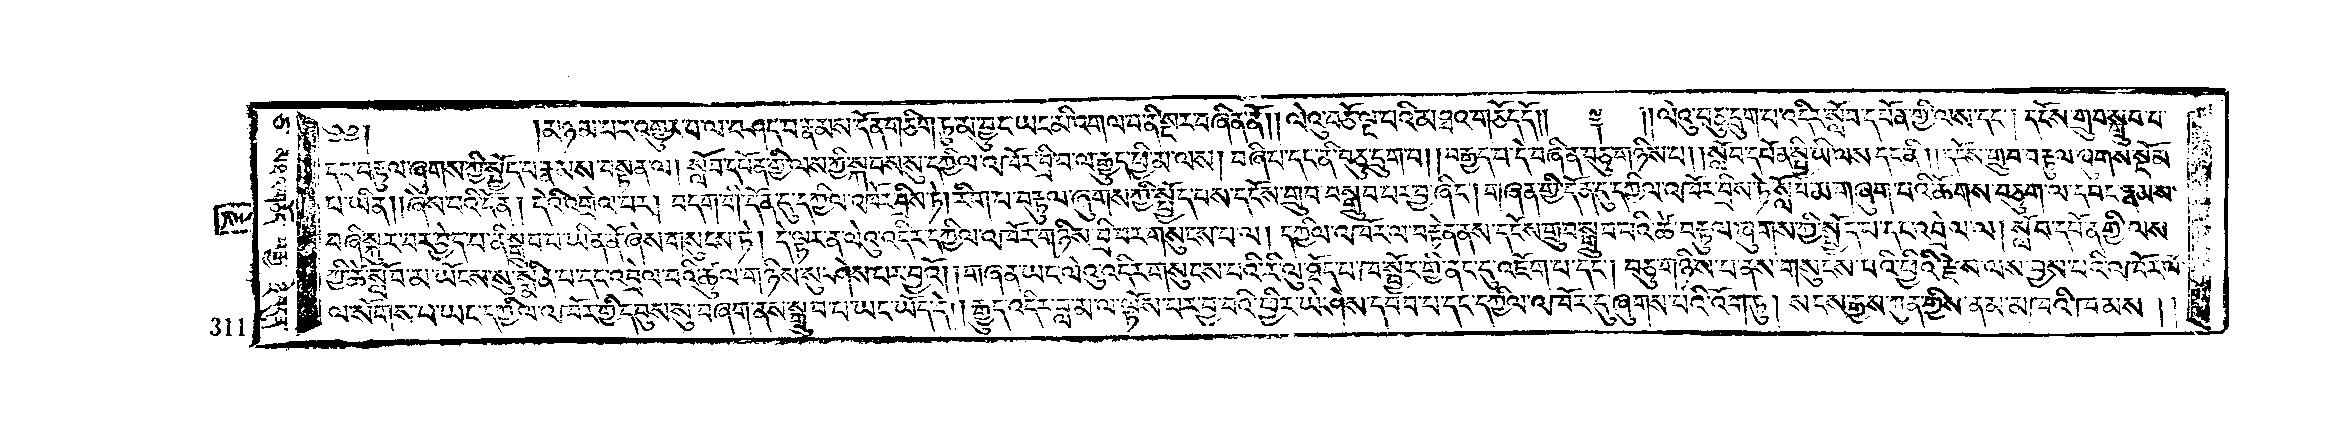༄༅། །མཉམ་པར་འགྱུར་པ་ལ་བཤད་པ་རྣམས་དོན་གཅིག་ཏུ་མ་བྱུང་ཡང་མི་འགལ་བ་ནི་སྔར་བཞིན་ནོ། །ལེའུ་བཅོ་ལྔ་པའི་མཐའ་གཅོད་དོ།། ༈ །།ལེའུ་བཅུ་དྲུག་པ་འདིར་སློབ་དཔོན་གྱི་ལས་དང་། དངོས་གྲུབ་སྒྲུབ་པ་
དང་བརྟུལ་ཞུགས་ཀྱི་སྤྱོད་པ་རྣམས་བསྟན་ལ། སློབ་དཔོན་གྱི་ལས་ཀྱི་སྐབས་སུ་དཀྱིལ་འཁོར་བྲི་བ་ལ་རྒྱུད་ཕྱི་མ་ལས། བཞི་པ་དང་ནི་བཅུ་དྲུག་པ། །བརྒྱད་པ་དེ་བཞིན་བཅུ་གཉིས་པ། །སློབ་དཔོན་སྤྱི་ཡི་ལས་དང་ནི། །དངོས་གྲུབ་བརྟུལ་ཞུགས་སྡོམ་
པ་ཡིན། །ཞེས་པའི་དོན། དེའི་འགྲེལ་པར། བདག་གི་དོན་དུ་དཀྱིལ་འཁོར་བྲིས་ཏེ། རིག་པ་བརྟུལ་ཞུགས་ཀྱི་སྤྱོད་པས་དངོས་གྲུབ་བསྒྲུབ་པར་བྱ་ཞིང་། གཞན་གྱི་དོན་དུ་དཀྱིལ་འཁོར་བྲིས་ཏེ་སློབ་མ་གཞུག་པའི་ཚོགས་བཅུག་ལ་དབང་རྣམ་པ་
བཞི་སྐུར་བར་བྱེད་པ་ནི་སྒྲུབ་པ་ཡིན་ནོ་ཞེས་གསུངས་ཏེ། དེ་ལྟར་ན་ལེའུ་འདིར་དཀྱིལ་འཁོར་གཉིས་བྲི་བར་གསུངས་པ་ལ། དཀྱིལ་འཁོར་ལ་བརྟེན་ནས་དངོས་གྲུབ་སྒྲུབ་པའི་ཚེ་བརྟུལ་ཞུགས་ཀྱི་སྤྱོད་པ་དང་འབྲེལ་ལ། སློབ་དཔོན་གྱི་ལས་
ཀྱི་ཚེ་སློབ་མ་ཡོངས་སུ་སྨིན་པ་དང་འབྲེལ་བའི་ཚུལ་གཉིས་སུ་ཤེས་པར་བྱའོ། །གཞན་ཡང་ལེའུ་འདིར་གསུངས་པའི་རི་ལུ་ཐོད་པ་ཁ་སྦྱོར་གྱི་ནང་དུ་འཇོག་པ་དང་། བཅུ་གཉིས་པ་ནས་གསུངས་པའི་ཕྱིའི་རྫས་ལས་བྱས་པའི་འཁོར་ལོ་
ལ་སོགས་པ་ཡང་དཀྱིལ་འཁོར་གྱི་དབུས་སུ་བཞག་ནས་སྒྲུབ་པ་ཡང་ཡོད་དོ། །རྒྱུད་འདིར་བླ་མ་ལ་ལྟོས་པར་བྱ་བའི་ཕྱིར་ཡེ་ཤེས་དབབ་པ་དང་དཀྱིལ་འཁོར་དུ་ཞུགས་པའི་འོག་ཏུ། སངས་རྒྱས་ཀུན་གྱིས་ནམ་མཁའི་ཁམས། །